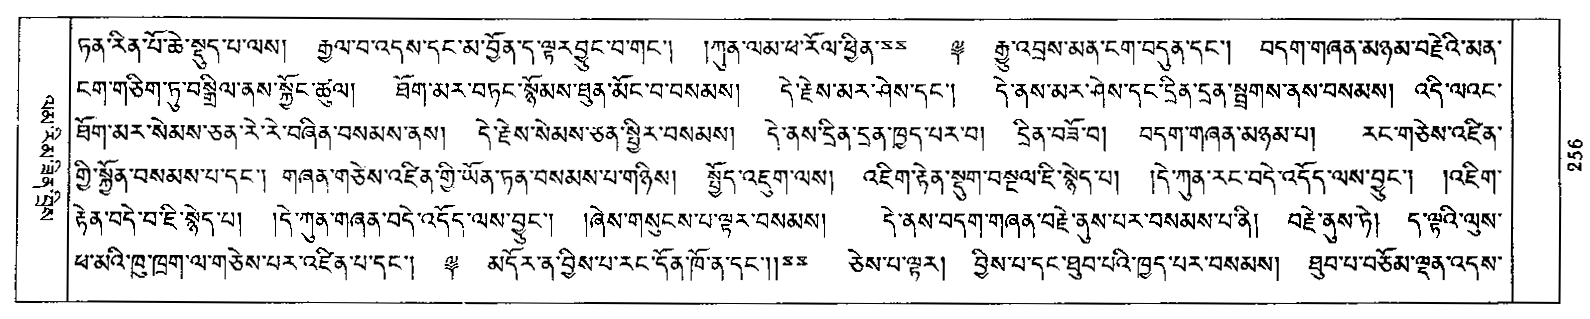ཏན་རིན་པོ་ཆེ་སྡུད་པ་ལས། རྒྱལ་བ་འདས་དང་མ་བྱོན་ད་ལྟར་བྱུང་བ་གང་། །ཀུན་ལམ་ཕ་རོལ་ཕྱིན་྾་྾་༈ རྒྱུ་འབྲས་མན་ངག་བདུན་དང་། བདག་གཞན་མཉམ་བརྗེའི་མན་
ངག་གཅིག་ཏུ་བསྒྲིལ་ནས་སྐྱོང་ཚུལ། ཐོག་མར་བཏང་སྙོམས་ཐུན་མོང་བ་བསམས། དེ་རྗེས་མར་ཤེས་དང་། དེ་ནས་མར་ཤེས་དང་དྲིན་དྲན་སྦྲགས་ནས་བསམས། འདི་ལའང་
ཐོག་མར་སེམས་ཅན་རེ་རེ་བཞིན་བསམས་ནས། དེ་རྗེས་སེམས་ཅན་སྤྱིར་བསམས། དེ་ནས་དྲིན་དྲན་ཁྱད་པར་བ། དྲིན་བཟོ་བ། བདག་གཞན་མཉམ་པ། རང་གཅེས་འཛིན་
གྱི་སྐྱོན་བསམས་པ་དང་། གཞན་གཅེས་འཛིན་གྱི་ཡོན་ཏན་བསམས་པ་གཉིས། སྤྱོད་འཇུག་ལས། འཇིག་རྟེན་སྡུག་བསྔལ་ཇི་སྙེད་པ། །དེ་ཀུན་རང་བདེ་འདོད་ལས་བྱུང་། །འཇིག་
རྟེན་བདེ་བ་ཇི་སྙེད་པ། །དེ་ཀུན་གཞན་བདེ་འདོད་ལས་བྱུང་། །ཞེས་གསུངས་པ་ལྟར་བསམས། དེ་ནས་བདག་གཞན་བརྗེ་ནུས་པར་བསམས་པ་ནི། བརྗེ་ནུས་ཏེ། ད་ལྟའི་ལུས་
ཕ་མའི་ཁུ་ཁྲག་ལ་གཅེས་པར་འཛིན་པ་དང་། ༈ མདོར་ན་བྱིས་པ་རང་དོན་ཁོ་ན་དང།། ྾་྾་ཅེས་པ་ལྟར། བྱིས་པ་དང་ཐུབ་པའི་ཁྱད་པར་བསམས། ཐུབ་པ་བཅོམ་ལྡན་འདས་